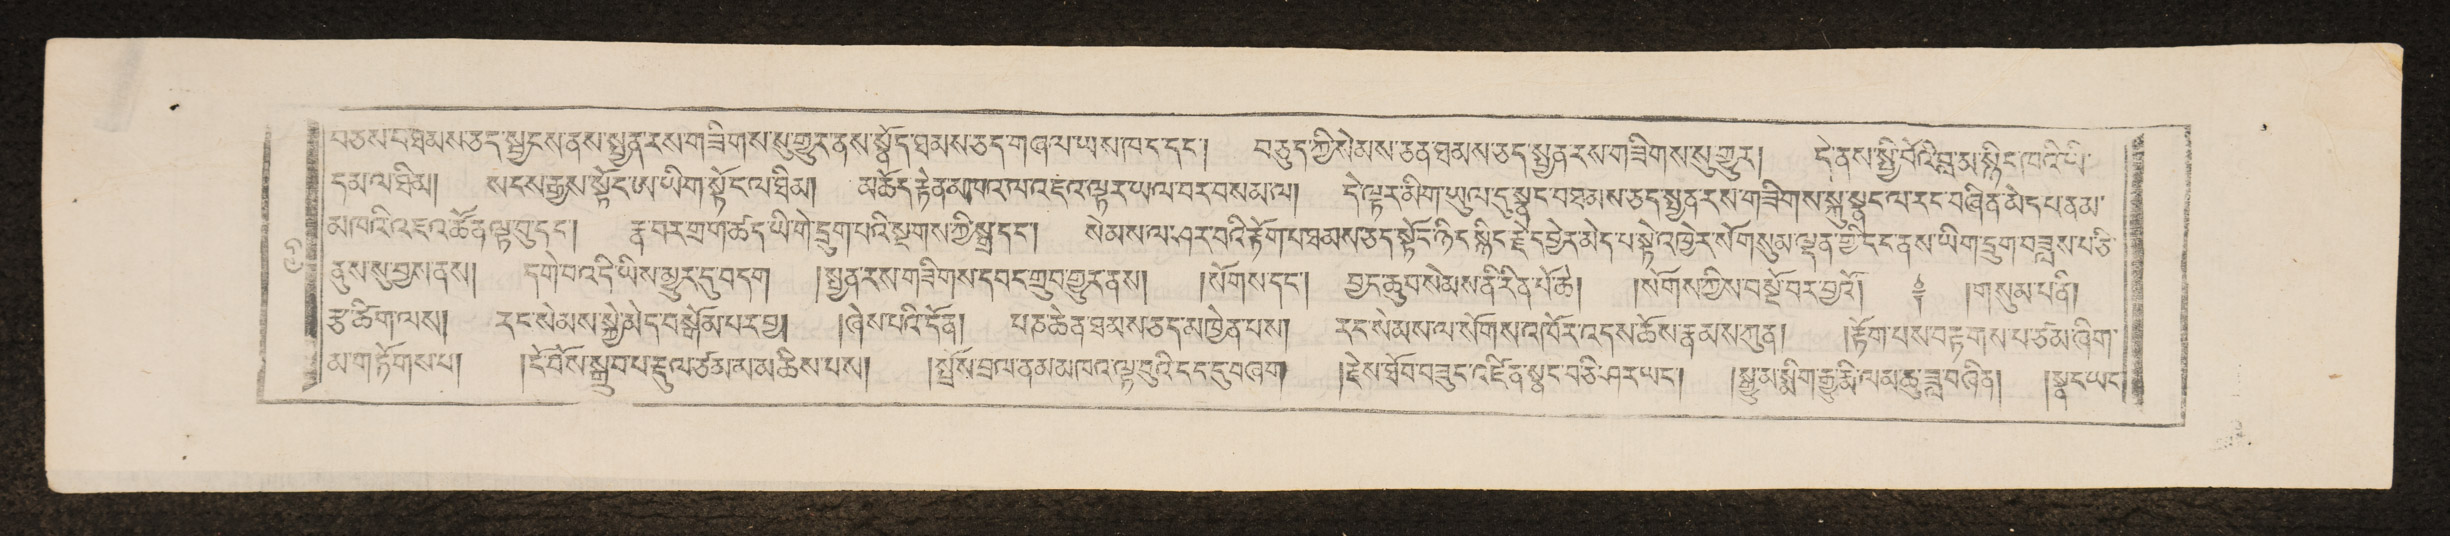བཅས་པ་ཐམས་ཅད་སྦྱངས་ནས་སྤྱན་རས་གཟིགས་སུ་གྱུར་ནས་སྣོད་ཐམས་ཅད་གཞལ་ཡས་ཁང་དང་། བཅུད་ཀྱི་སེམས་ཅན་ཐམས་ཅད་སྤྱན?་རས་གཟིགས་སུ་གྱུར། དེ་ནས་སྤྱི་བོའི་བླ་མ་སྙིང་ཁའི་ཡི་
དམ་ལ་ཐིམ། སངས་རྒྱས་སྟོང་ཨ་ཡིག་སྟོང་ལ་ཐིམ། མཆོད་རྟེན་མཁའ་ལ་འཇའ་ལྟར་ཡལ་བར་བསམ་ལ། དེ་ལྟར་མིག་ཡུལ་དུ་སྣང་བ་ཐམས་ཅད་སྤྱན་རས་གཟིགས་སྐུ་སྣང་ལ་རང་བཞིན་མེད་པ་ནམ་
མཁའི་འཇའ་ཚོན་ལྟ་བུ་དང་། རྣ་བར་གྲག་ཚད་ཡི་གེ་དྲུག་པའི་སྔགས་ཀྱི་སྒྲ་དང་། སེམས་ལ་ཤར་བའི་རྟོག་པ་ཐམས་ཅད་སྟོང་ཉིད་སྙིང་རྗེ་དབྱེར་མེད་པ་སྟེ་འཁྱེར་སོ་གསུམ་ལྡན་གྱི་དང་ནས་ཡིག་དྲུག་བཟླས་པ་ཅི་
ནུས་སུ་བྱས་ནས། དགེ་བ་འདི་ཡིས་མྱུར་དུ་བདག །སྤྱན་རས་གཟིགས་དབང་གྲུབ་གྱུར་ནས། །སོགས་དང་། བྱང་ཆུབ་སེམས་ནི་རིན་པོ་ཆེ། །སོགས་ཀྱིས་བསྔོ་བར་བྱའོ། ༈ །གསུམ་པ་ནི།
རྩ་ཚིག་ལས། རང་སེམས་སྐྱེ་མེད་བསྒོམ་པར་བྱ། །ཞེས་པའི་དོན། པཎ་ཆེན་ཐམས་ཅད་མཁྱེན་པས། རང་སེམས་ལ་སོགས་འཁོར་འདས་ཆོས་རྣམས་ཀུན། །རྟོག་པས་བརྟགས་པ་ཙམ་ཞིག་
མ་གཏོགས་པ། །ངོ་བོས་སྒྲུབ་པ་རྡུལ་ཙམ་མ་མཆིས་པས། །སྤྲོས་བྲལ་ནམ་མཁའ་ལྟ་བུའི་ངང་དུ་བཞག །རྗེས་ཐོབ་བཟུང་འཛིན་སྣང་བ་ཅི་ཤར་ཡང་། །སྒྱུ་མ་སྨིག་རྒྱུ་རྨི་ལམ་ཆུ་ཟླ་བཞིན། །སྣང་ཡང་